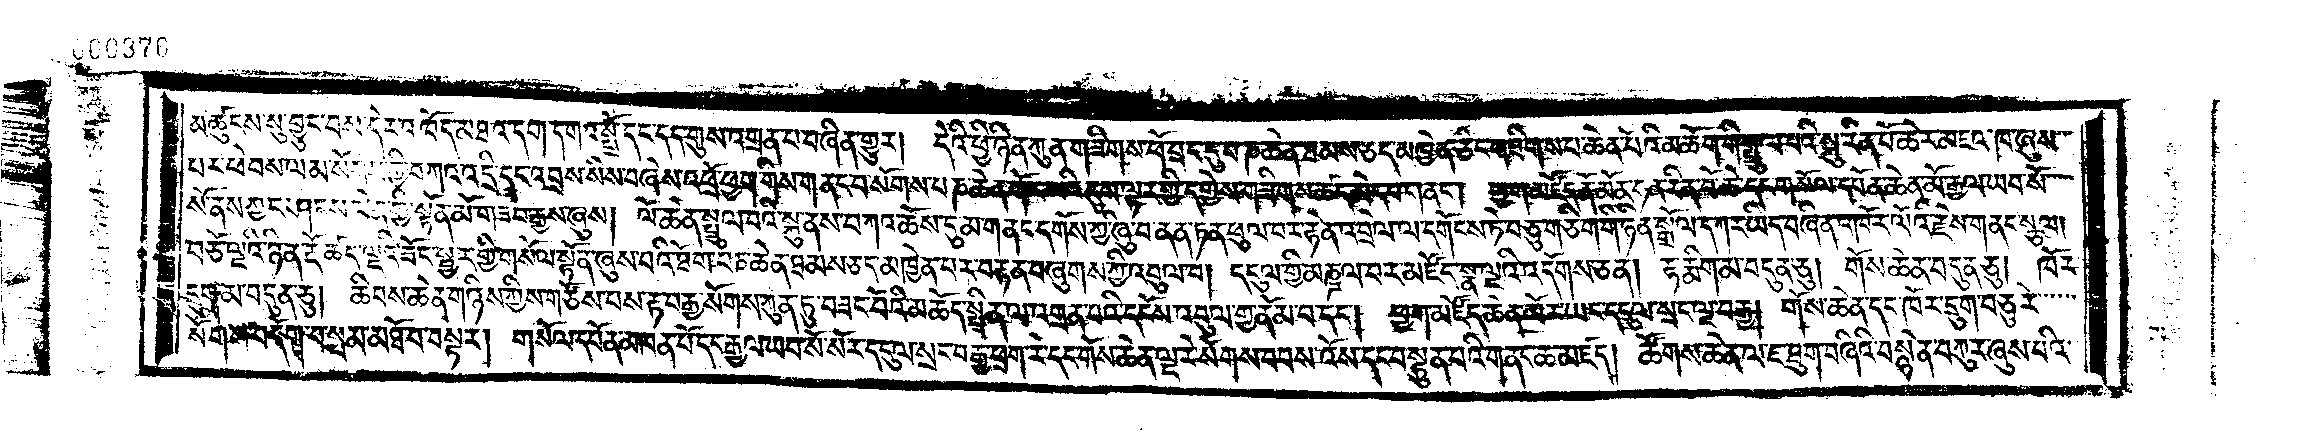མཚུངས་སུ་བྱུང་བས་དེར་འཁོད་མཐའ་དག་དགའ་སྤྲོ་དང་དད་གུས་འགྲན་པ་བཞིན་གྱུར། དེའི་ཕྱི་ཉིན་ཀུན་གཟིགས་ཕོ་བྲང་དུ་པཎ་ཆེན་ཐམས་ཅད་མཁྱེན་ཅིང་གཟིགས་པ་ཆེན་པོའི་མཆོག་གི་སྤྲུལ་བའི་སྐུ་རིན་པོ་ཆེར་མཇལ་ཁ་ཞུས་
པར་ཕེབས་ལམ་སོགས་ཀྱི་བཀའ་འདྲི་དང་འབྲས་སིས་བཞེས་འཕྲོ་ཕྱག་གིས་གནང་བ་སོགས་པཎ་ཆེན་གོང་མའི་དུས་ལྟར་གྱི་དགྱེས་གཟིགས་ཚད་མེད་པ་གནང་། ཕྱག་མཛོད་ནོ་མོན་ཧན་རིན་པོ་ཆེ་དང་གསོལ་དཔོན་ཆེན་མོ་རྒྱལ་ཡབ་སོ་
སོ་ནས་ཀྱང་ཤངས་ལེན་གྱི་སྟོན་མོ་གཟབ་རྒྱས་ཞུས། ལོ་ཆེན་སྤྲུལ་བའི་སྐུ་ནས་བཀའ་ཆོས་དུ་མ་གནང་དགོས་ཀྱི་ཞུ་བ་ནན་ཏན་ཕུལ་བར་རྟེན་འབྲེལ་ལ་དགོངས་ཏེ་བཅུ་གཅིག་གི་ཉིན་སྒྲོལ་དཀར་ཡིད་བཞིན་འཁོར་ལོའི་རྗེས་གནང་སྩལ།
བཅོ་ལྔའི་ཉིན་རྡོ་ཚད་ལྔའི་ཟོང་སྦྱར་གྱི་གསོལ་སྟོན་ཞུས་པའི་ཐོག་པཎ་ཆེན་ཐམས་ཅད་མཁྱེན་པར་བརྟན་བཞུགས་ཀྱི་འབུལ་བ། དངུལ་གྱི་མཎྜལ་བར་མཛོད་སྣ་ལྔའི་འདོགས་ཅན། རྟ་རྨིག་མ་བདུན་ཅུ། གོས་ཆེན་བདུན་ཅུ། ཁོར་
དྲུག་མ་བདུན་ཅུ། ཆིབས་ཆེན་གཉིས་ཀྱིས་གཙོས་པས་རྟ་བརྒྱ་སོགས་ཀུན་ཏུ་བཟང་པོའི་མཆོད་སྤྲིན་ལ་འགྲན་པའི་དངོས་འབུལ་གྱ་ནོམ་པ་དང་། ཕྱག་མཛོད་ཆེན་མོར་ཡང་དངུལ་སྲང་ལྔ་བརྒྱ། གོས་ཆེན་དང་ཁོར་དྲུག་བཅུ་རེ་
སོགས་བདོག་པ་སྤམ་མཐོ་བ་བསྟར། གསོལ་དཔོན་མཁན་པོ་དང་རྒྱལ་ཡབ་སོ་སོར་དངུལ་སྲང་བརྒྱ་ཕྲག་རེ་དང་གོས་ཆེན་ལྔ་རེ་སོགས་བབས་འོས་དང་བསྟུན་པའི་གནང་ཆ་མཛད། ཚོགས་ཆེན་ལ་ཇ་ཐུག་བཞིའི་བསྙེན་བཀུར་ཞུས་པའི་